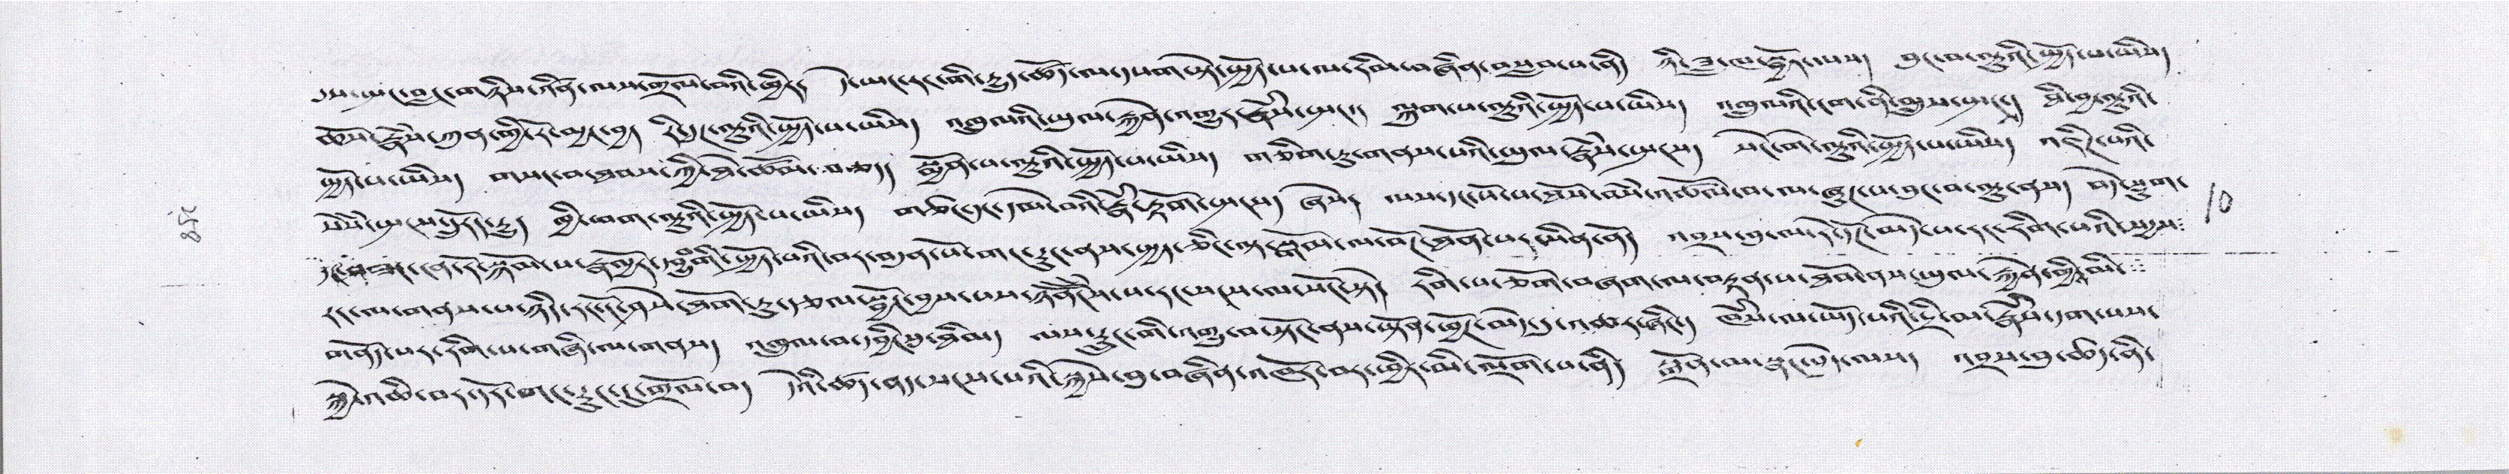དུས་སྤང་བླང་གཉིས་འཛིན་ལས་གྲོལ་བའི་ཕྱིར། དེ་ཡང་རང་གི་རྒྱུད་ཚོད་ལ་དཔག་སྟེ་སྤྱོད་པ་ལ་རིམ་བཞིན་བསླབ་པ་ནི། ཉི་ཟླ་ཁ་སྦྱོར་ལས། བུང་བ་ལྟ་བུའི་སྤྱོད་པ་ཡིས། 
ཆོས་རྣམས་ཀུན་གྱི་རོ་མྱང་བྱ། རི་དྭགས་ལྟ་བུའི་སྤྱོད་པ་ཡིས། འཁྲུལ་པའི་ཡུལ་རྐྱེན་འགྱུར་རྣམས་སྤང། ལྐུག་པ་ལྟ་བུའི་སྤྱོད་པ་ཡིས། འཁྲུལ་པའི་ངག་ནི་མ་ལུས་སྤངས། ཐི་བྱ་ལྟ་བུའི་
སྤྱོད་པ་ཡིས། གསང་བ་ཐབས་ཀྱི་ཐེ་ཚོམ་བཅད། སྨྱོན་པ་ལྟ་བུའི་སྤྱོད་པ་ཡིས། གཅིག་ཏུ་གནས་པའི་ཡུལ་རྣམས་སྤངས། སེང་གེ་ལྟ་བུའི་སྤྱོད་པ་ཡིས། འཇིགས་པའི་
སེམས་སྤང་དུར་ཁྲོད་རྒྱུ། ཁྱི་ཕག་ལྟ་བུའི་སྤྱོད་པ་ཡིས། གཙང་དང་དམེ་བའི་རྣམ་རྟོག་སྤངས། ཞེས། ལས་དང་པོ་བ་ཐོས་བསམ་འཚོལ་བ་ལ་ཞུགས་པ་བུང་བ་ལྟ་བུ་ནས། བདེ་སྡུག་
དང་བཟང་ངན་རོ་སྙོམ་པ་རྣལ་འབྱོར་བྱང་ཆུབ་གི་སྤྱོད་པའི་བར་བདུན་པོ་གང་རུང་ནས་སྤྱད་ཅིང་ལྟ་སྒོམ་ལ་བོགས་ཐོན་པར་ཡིན་ནོ། འབྲས་བུ་ལ་རེ་དོགས་མེད་པ་རང་རིག་པའི་སངས་རྒྱས་
རང་ལ་གནས་པ་ཉིད་རང་ངོ་ཤེས་ཐོག་ཏུ་རྩལ་སྦྱོང་བྱས་པས་ཉོན་མོངས་པ་རང་སངས་ལ་སོང་སྟེ། རིག་པ་ཅོག་བཞག་ལ་བརྟན་པ་ཐོབ་ནས་ཡུལ་རྐྱེན་གྱིས་མི་
གནོད་པར་རིག་པ་གཞི་ལ་གནས། འཁྲུལ་བ་དབྱིངས་སུ་ཐིམ། ལས་རླུང་གི་འགྱུ་བ་སྟོང་ནས་ཡོན་ཏན་ཕྱོགས་མེད་དུ་འཆར་ཞིང། ཁམས་ལ་ཡོད་པའི་དྲི་མ་རྣམས་དག་པས་
སྐྱེ་འཆི་བར་དོར་གང་རུང་དུ་གྲོལ་བ། དེའི་ཚད་ནད་སངས་པའི་སྐྱེས་བུ་བཞིན་འཁོར་བར་ཕྱིར་མི་ལྡོག་པ་ནི། སྒྲོན་མ་སྣང་བྱེད་ལས། འབྲས་བུ་ཚད་ནི་